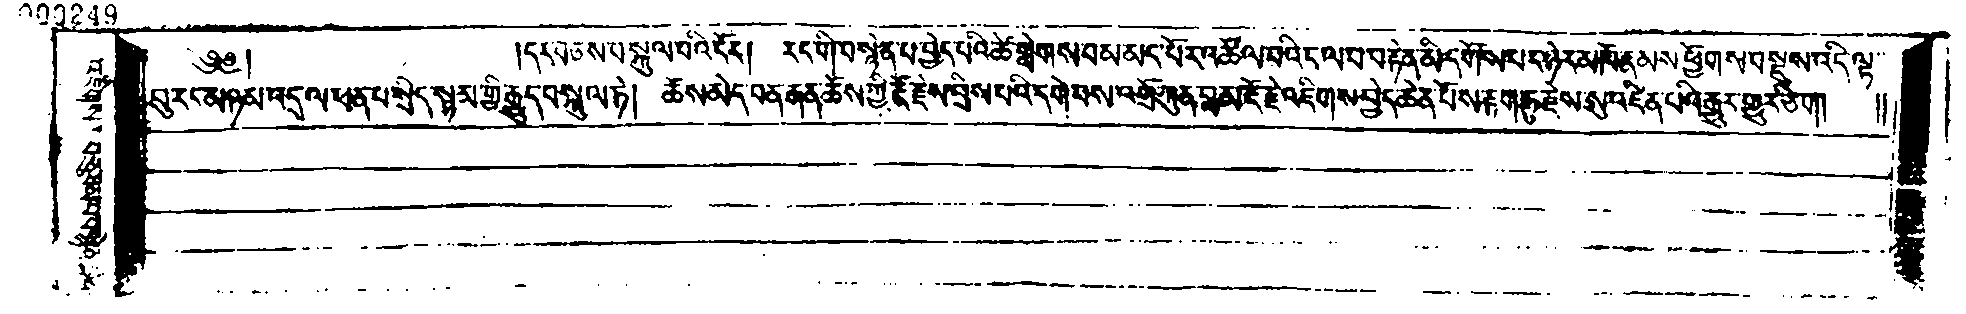༄༅། །དར་བཅས་བསྐུལ་བའི་ངོར། རང་གི་བསྙེན་པ་བྱེད་པའི་ཚེ་གླེགས་བམ་མང་པོར་འཚོལ་བའི་ངལ་བ་བརྟེན་མི་དགོས་པར་ཉེར་མཁོ་རྣམས་ཕྱོགས་བསྡུས་འདི་ལྟ་
བུ་རང་མཉམ་འདྲ་ལ་ཕན་པ་སྲིད་སྙམ་གྱི་རྒྱུད་བསྐུལ་ཏེ། ཆོས་མེད་བན་རྒན་ཆོས་ཀྱི་རྡོ་རྗེས་བྲིས་པའི་དགེ་བས་འགྲོ་ཀུན་བླ་མ་རྡོ་རྗེ་འཇིགས་བྱེད་ཆེན་པོས་རྟག་ཏུ་རྗེས་སུ་འཛིན་པའི་རྒྱུར་གྱུར་ཅིག ། །།